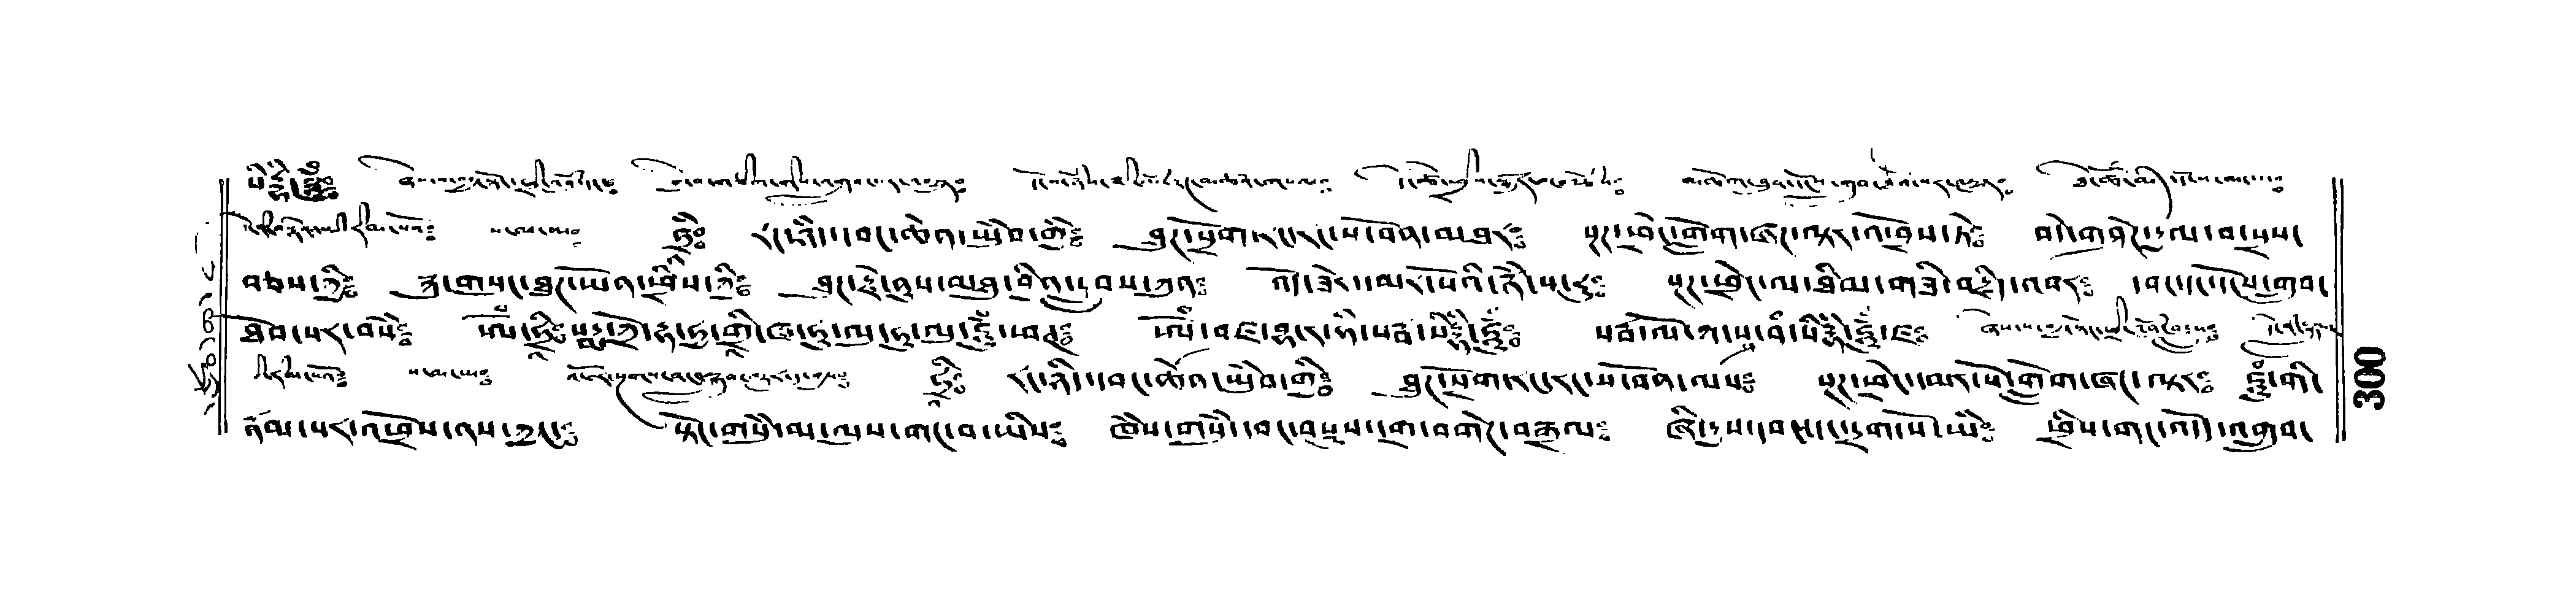སིདྡྷི་ཧཱུྃ༔ ཞེས་པ་བརྒྱ་སྟོང་ཁྲི་འབུམ་དང༔ བྱེ་བ་གཅིག་གིས་འགྲུབ་པར་འགྱུར༔ དངོས་ཉམས་རྨི་ལམ་རྟགས་མཚན་གསལཿ དེ་ཚེ་ཕྲིན་ལས་སྦྱོར་བ་བརྩམས༔ མཆོག་ཐུན་དངོས་གྲུབ་ཐོབ་པར་འགྱུར༔ ཐེ་ཚོམ་མེད་དོ་ས་མ་ཡ༔ 
དེ་ནི་བསྙེན་པའི་རིམ་པའོ༔ ས་མ་ཡ༔ ཧྲཱིཿ རང་ཉིད་དབང་ཆེན་ཡབ་ཡུམ་གྱི༔ ཐུགས་སྲོག་རང་རང་ས་བོན་མཐར༔ སྔགས་ཕྲེང་གློག་ཞགས་ལྟར་འཕྲོས་ཏེ༔ བདེ་གཤེགས་རྒྱལ་བ་སྲས་
བཅས་ཀྱི༔ སྐུ་གསུང་ཐུགས་ཡོན་ཕྲིན་ལས་ཀྱི༔ ཐུགས་རྗེ་ནུས་མཐུ་བྱིན་རླབས་ཀུན༔ འོད་ཟེར་དམར་པོའི་རྣམ་པ་རུ༔ སྔགས་ཕྲེང་ལ་ཐིམ་གཟི་བརྗིད་འབར༔ དབང་དང་དངོས་གྲུབ་
ཐོབ་པར་བསམ༔ ཨོཾ་ཧྲཱིཿཔདྨ་ཀྲོ་དྷ་ཧྱ་གྲཱི་ཝ་ཧུ་ལུ་ཧུ་ལུ་ཧཱུྃ་ཕཊ༔ ཨོཾ་བཛྲ་བྷ་ར་ཧི་སརྦ་སིདྡྷི་ཧཱུྃ༔ སརྦ་ལོ་ཀ་པཱ་ཤཾ་སིདྡྷི་ཧཱུྃ་ཛཿ ཞེས་པ་བརྒྱ་སྟོང་ཁྲི་འབུམ་བཟླས༔ དེ་ནི་སྒྲུབ་
པའི་རིམ་པའོ༔ ས་མ་ཡ༔ འཁོར་སྔགས་ནང་སྒྲུབ་ལྟར་དུ་བྱས༔ ཧྲཱིཿ རང་ཉིད་དབང་ཆེན་ཡབ་ཡུམ་གྱི༔ ཐུགས་སྲོག་རང་རང་ས་བོན་ལས༔ སྔགས་ཕྲེང་དམར་པོ་གློག་ཞགས་ལྟར༔ ཧྃའུ་གི་
རྣམ་པར་འཕྲོས་ནས་ཀྱང༔ སྟོང་གསུམ་མ་ལུས་གང་བ་ཡིས༔ ཁམས་གསུམ་དབང་བསྡུས་དགྲ་བགེགས་བསྒྲལ༔ ཞི་རྒྱས་དབང་དང་དྲག་པོ་ཡི༔ ཕྲིན་ལས་གང་འདོད་འགྲུབ་